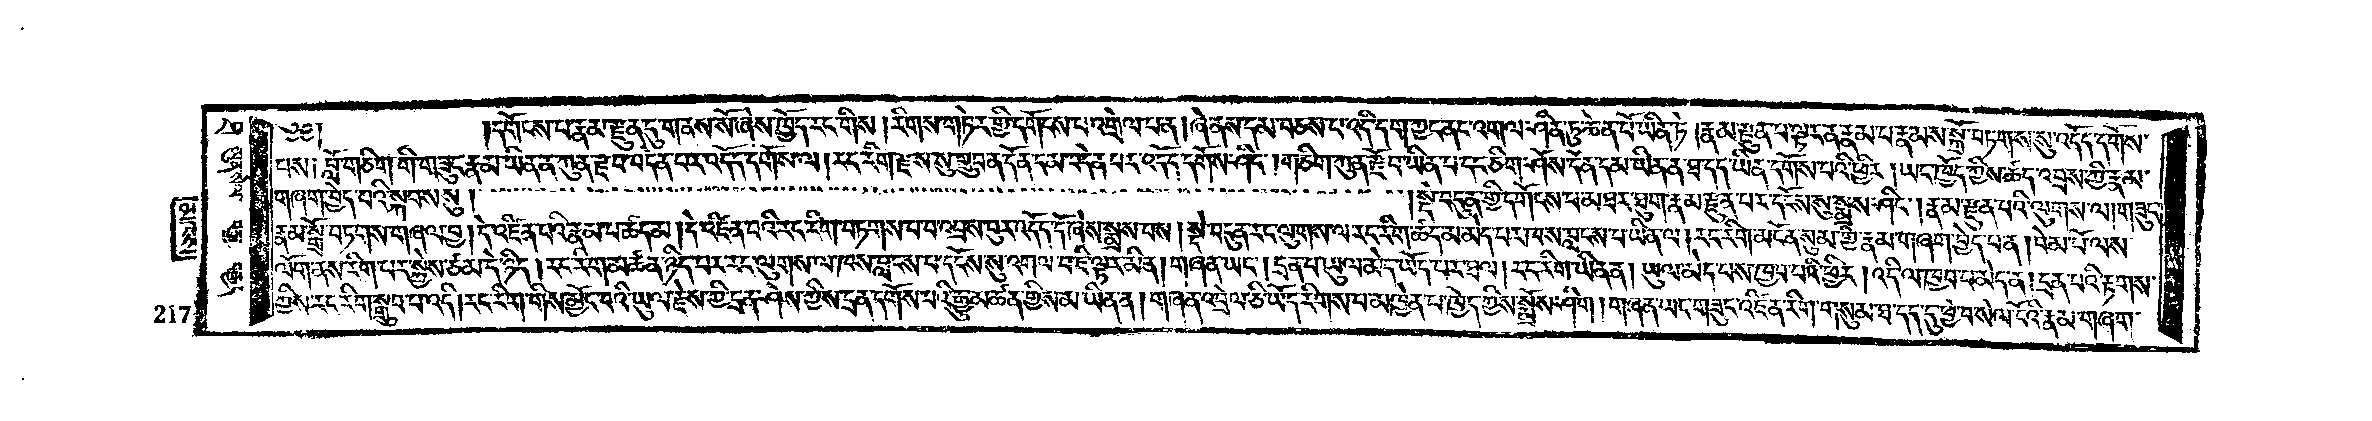༄༅། །དགོངས་པ་རྣམ་རྫུན་དུ་གནས་སོ་ཞེས་ཁྱོད་རང་གིས། རིགས་གཏེར་གྱི་དགོངས་པ་འགྲེལ་པ་ན། ཞེ་ནས་དམ་བཅས་པ་འདི་དག་ཀྱང་ནང་འགལ་ཤིན་ཏུ་ཆེན་པོ་ཡིན་ཏེ། རྣམ་རྫུན་པ་ལྟར་ན་རྣམ་པ་རྣམས་སྒྲོ་བཏགས་སུ་འདོད་དགོས་
པས༑ བློ་གཅིག་གི་གཟུང་རྣམ་ཡིན་ན་ཀུན་རྫོབ་བདེན་པར་འདོད་དགོས་ལ། རང་རིག་རྫས་སུ་གྲུབ་ན་དོན་དམ་བདེན་པར་འདོད་དགོས་ཤིང་། གཅིག་ཀུན་རྫོབ་ཡིན་པ་དང་ཅིག་ཤོས་དོན་དམ་ཡིན་ན་ཐ་དད་ཡིན་དགོས་པའི་ཕྱིར། ཡང་ཁྱོད་ཀྱིས་ཚད་འབྲས་ཀྱི་རྣམ་
གཞག་བྱེད་པའི་སྐབས་སུ། །སྡེ་བདུན་གྱི་དགོངས་པ་མཐར་ཐུག་རྣམ་རྫུན་པར་དངོས་སུ་སྨྲས་ཤིང་། རྣམ་རྫུན་པའི་ལུགས་ལ། གཟུང་
རྣམ་སྒྲོ་བཏགས་གཞལ་བྱ། དེ་འཛིན་པའི་རྣམ་པ་ཚད་མ། དེ་འཛིན་པའི་རང་རིག་བཏགས་པ་བ་འབྲས་བུར་འདོད་དོ་ཞེས་སྨྲས་པས། སྡེ་བདུན་རང་ལུགས་ལ་རང་རིག་ཚད་མ་མེད་པར་ཁས་བླངས་པ་ཡིན་ལ། རང་རིག་མངོན་སུམ་གྱི་རྣམ་གཞག་བྱེད་པ་ན། བེམ་པོ་ལས་
ལོག་ནས་རིག་པར་སྐྱེས་ཙམ་དེ་ཉིད། རང་རིག་མཚན་ཉིད་པར་རང་ལུགས་ལ་ཁས་བླངས་པ་དངོས་སུ་འགལ་བ་ཇི་ལྟར་མིན། གཞན་ཡང་། དྲན་པ་ཡུལ་མེད་ཡོད་པར་ཐལ། རང་རིག་ཡིན་ན། ཡུལ་མེད་པས་ཁྱབ་པའི་ཕྱིར། འདི་ལ་ཁྱབ་པ་མེད་ན། དྲན་པའི་རྟགས་
ཀྱིས་རང་རིག་སྒྲུབ་པ་འདི། རང་རིག་གིས་མྱོང་བའི་ཡུལ་རྗེས་ཀྱི་དྲན་ཤེས་ཀྱིས་དྲན་དགོས་པའི་རྒྱུ་མཚན་གྱིས་མ་ཡིན་ན། གཞན་འབྲེལ་ཅི་ཡོད་རིགས་པ་མཁྱེན་པ་ཁྱོད་ཀྱིས་སྨྲོས་ཤིག །གཞན་ཡང་གཟུང་འཛིན་རིག་གསུམ་ཐ་དད་དུ་ཕྱེ་བ་སེལ་ངོའི་རྣམ་གཞག་